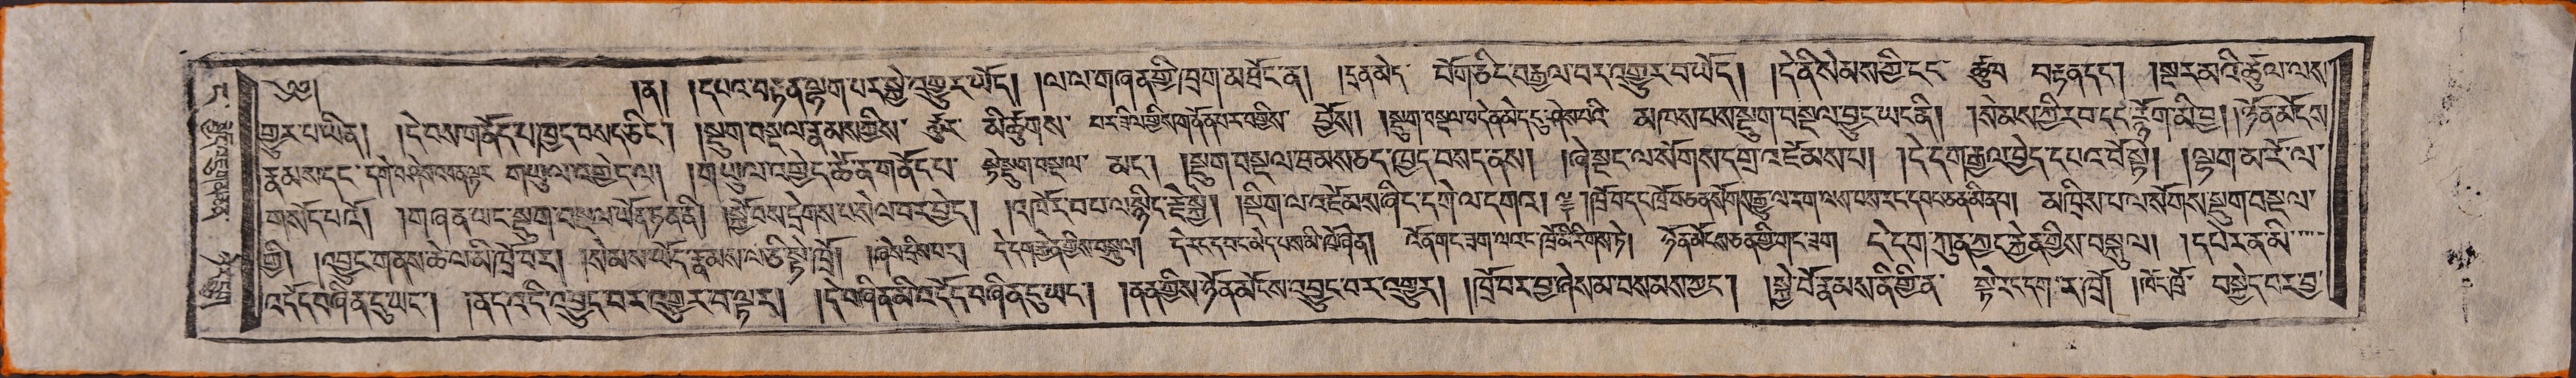༄༅། །ན། །དཔའ་བརྟན་ལྷག་པར་སྐྱེ་འགྱུར་ཡོད། །ལ་ལ་གཞན་གྱི་ཁྲག་མཐོང་ན། །དྲན་མེད་བོག་ཅིང་བརྒྱལ་བར་འགྱུར་བ་ཡོད། །དེ་ནི་སེམས་ཀྱི་ངང་ཚུལ་བརྟན་དང་། །སྔར་མའི་ཚུལ་ལས་
གྱུར་པ་ཡིན། །དེ་བས་གནོད་པ་ཁྱད་བསད་ཅིང་། །སྡུག་བསྔལ་རྣམས་ཀྱིས་ཚུར་མི་ཚུགས་པར་ཟིལ་གྱིས་གནོན་པར་བགྱིས་བྱོས། །སྡུག་བསྔལ་བདེན་མེད་དུ་ཤེས་པའི་མཁས་པས་སྡུག་བསྔལ་བྱུང་ཡང་ནི། །སེམས་ཀྱི་རབ་དང་རྙོག་མི་བྱ། །ཉོན་མོངས་
རྣམས་དང་དགེ་བཤེས་འབན་ལྟར་གཡུལ་འགྱེད་ལ། །གཡུལ་འགྱེད་ཚེ་ན་གནོད་པ་སྟེ་སྡུག་བསྔལ་མང་། །སྡུག་བསྔལ་ཐམས་ཅད་ཁྱད་བསད་ནས། །ཞེ་སྡང་ལ་སོགས་དགྲ་འཛོམས་པ། །དེ་དག་རྒྱལ་བྱེད་དཔའ་བོ་སྟེ། །ལྷག་མ་རོ་ལ་
གསོད་པའོ། །གཞན་ཡང་སྡུག་བསྔལ་ཡོན་ཏན་ནི། །སྐྱོ་བས་དྲེགས་པ་སེལ་བར་བྱེད། །འཁོར་བ་པ་ལ་སྙིང་རྗེ་སྐྱེ། །སྡིག་ལ་འཛོམས་ཞིང་དགེ་ལ་དགའ། ༈།ཁྲོ་བ་དང་ཁྲོ་བ་ཅན་སོགས་རྒྱུ་ལ་རག་ལས་པས་རང་དབང་ཅན་མིན་པ། མཁྲིས་པ་ལ་སོགས་སྡུག་བསྔལ་
གྱི༑ ༑འབྱུང་གནས་ཆེ་ལ་མི་ཁྲོ་བར། །སེམས་ཡོད་རྣམས་ལ་ཅི་སྟེ་ཁྲོ། །ཞེས་དྲིས་པར། དེ་དག་རྐྱེན་གྱིས་བསྐུལ། དེ་རང་དབང་མེད་པས་མི་ཁྲ་ཞན། འོ་ན་གང་ཟག་ལའང་ཁྲོ་མི་རིགས་ཏེ། ཉོན་མོངས་ཅན་གྱི་གང་ཟག་དེ་དག་ཀུན་ཀྱང་རྐྱེན་གྱིས་བསྐུལ། །དཔེར་ན་མི་
འདོད་བཞིན་དུ་ཡང་། །ནད་འདི་འབྱུང་བར་འགྱུར་བ་ལྟར། །དེ་བཞིན་མི་འདོད་བཞིན་དུ་ཡང་། །ནན་གྱིས་ཉོན་མོངས་འབྱུང་བར་འགྱུར། །ཁྲོ་བར་བྱ་ཞེས་མ་བསམས་ཀྱང་། །སྐྱེ་བོ་རྣམས་ནི་གྱི་ན་སྟེ་རང་དགར་ཁྲོ། །ཁོང་ཁྲོ་བསྐྱེད་པར་བྱ་